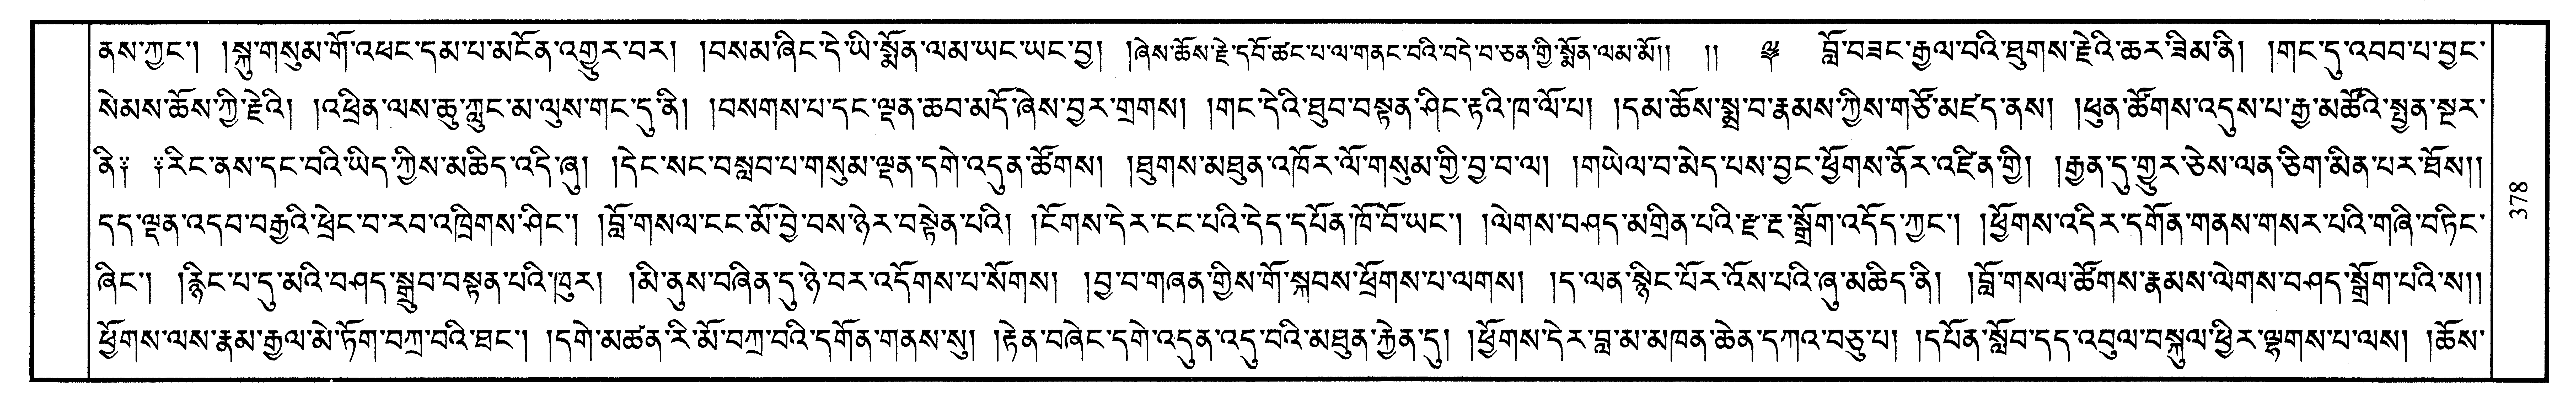ནས་ཀྱང་། །སྐུ་གསུམ་གོ་འཕང་དམ་པ་མངོན་འགྱུར་བར། །བསམ་ཞིང་དེ་ཡི་སྨོན་ལམ་ཡང་ཡང་བྱ། །ཞེས་ཆོས་རྗེ་དབོ་ཚང་པ་ལ་གནང་བའི་བདེ་བ་ཅན་གྱི་སྨོན་ལམ་མོ།། །། ༈ བློ་བཟང་རྒྱལ་བའི་ཐུགས་རྗེའི་ཆར་ཟིམ་ནི། །གང་དུ་འབབ་པ་བྱང་
སེམས་ཆོས་ཀྱི་རྗེའི། །འཕྲིན་ལས་ཆུ་ཀླུང་མ་ལུས་གང་དུ་ནི། །བསགས་པ་དང་ལྡན་ཆབ་མདོ་ཞེས་བྱར་གྲགས། །གང་དེའི་ཐུབ་བསྟན་ཤིང་རྟའི་ཁ་ལོ་པ། །དམ་ཆོས་སྨྲ་བ་རྣམས་ཀྱིས་གཙོ་མཛད་ནས། །ཕུན་ཚོགས་འདུས་པ་རྒྱ་མཚོའི་སྤྱན་སྔར་
ནི༑ ༑རིང་ནས་དང་བའི་ཡིད་ཀྱིས་མཆིད་འདི་ཞུ། །དེང་སང་བསླབ་པ་གསུམ་ལྡན་དགེ་འདུན་ཚོགས། །ཐུགས་མཐུན་འཁོར་ལོ་གསུམ་གྱི་བྱ་བ་ལ། །གཡེལ་བ་མེད་པས་བྱང་ཕྱོགས་ནོར་འཛིན་གྱི། །རྒྱན་དུ་གྱུར་ཅེས་ལན་ཅིག་མིན་པར་ཐོས།།
དད་ལྡན་འདབ་བརྒྱའི་ཕྲེང་བ་རབ་འཁྲིགས་ཤིང་། །བློ་གསལ་ངང་མོ་བྱེ་བས་ཉེར་བསྟེན་པའི། །ངོགས་དེར་ངང་པའི་དེད་དཔོན་ཁོ་བོ་ཡང་། །ལེགས་བཤད་མགྲིན་པའི་རྫ་རྔ་སྒྲོག་འདོད་ཀྱང་། །ཕྱོགས་འདིར་དགོན་གནས་གསར་པའི་གཞི་བཏིང་
ཞིང་། །རྙིང་པ་དུ་མའི་བཤད་སྒྲུབ་བསྟན་པའི་ཁུར། །མི་ནུས་བཞིན་དུ་ཉེ་བར་འདོགས་པ་སོགས། །བྱ་བ་གཞན་གྱིས་གོ་སྐབས་ཕྲོགས་པ་ལགས། །ད་ལན་སྙིང་པོར་འོས་པའི་ཞུ་མཆིད་ནི། །བློ་གསལ་ཚོགས་རྣམས་ལེགས་བཤད་སྒྲོག་པའི་ས།།
ཕྱོགས་ལས་རྣམ་རྒྱལ་མེ་ཏོག་བཀྲ་བའི་ཐང་། །དགེ་མཚན་རི་མོ་བཀྲ་བའི་དགོན་གནས་སུ། །རྟེན་བཞེང་དགེ་འདུན་འདུ་བའི་མཐུན་རྐྱེན་དུ། །ཕྱོགས་དེར་བླ་མ་མཁན་ཆེན་དཀའ་བཅུ་པ། །དཔོན་སློབ་དད་འབུལ་བསྐུལ་ཕྱིར་ལྷགས་པ་ལས། །ཆོས་